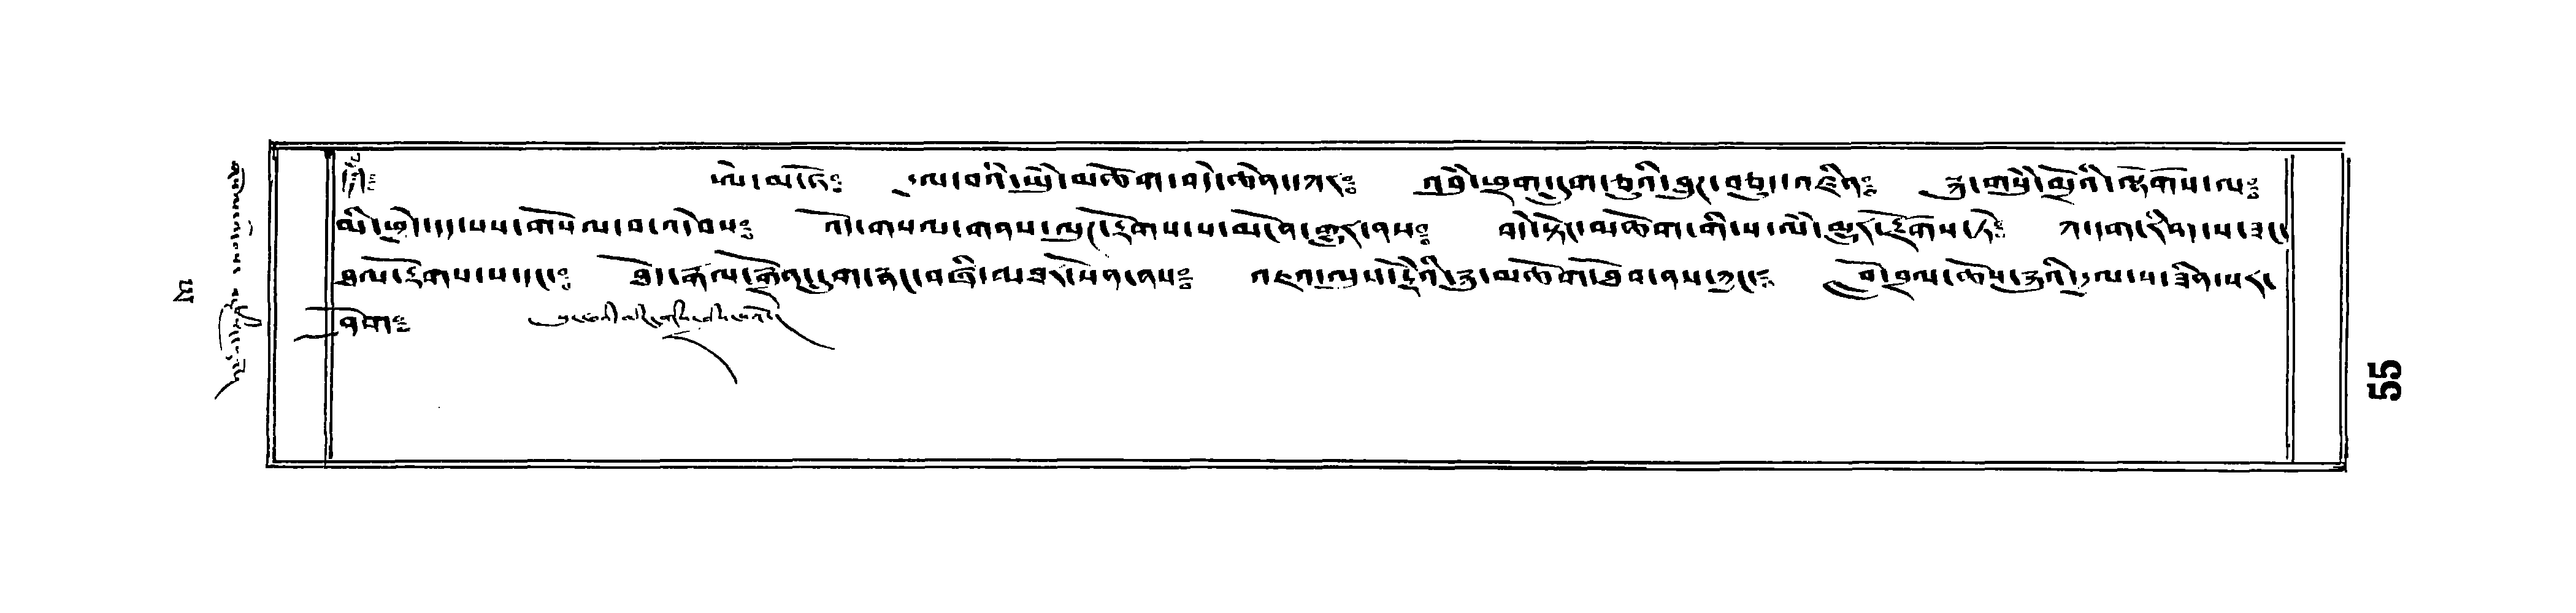ཨེ་མ་ཧོ༔ རྒྱལ་བའི་ཡུམ་མཆོག་བདེ་ཆེན་དཀར༔ འབུམ་ཕྲག་དྲུག་ཅུའི་ཐུགས་བཅུད་འཛིན༔ སྐུ་གསུམ་མཁའ་འགྲོའི་ལྷ་ཚོགས་ལ༔ 
མི་ཕྱེད་དད་པས་གསོལ་བ་འདེབས༔ འོད་གསལ་གནས་ལུགས་རྟོགས་པ་མངོན་གྱུར་ནས༔ བདེ་སྟོང་མཆོག་གི་ས་ལམ་མྱུར་རྫོགས་ཏེ༔ ཀ་དག་རིག་པ་ཟང་
ཐལ་རྟོགས་པ་དང༔ ཐོད་རྒལ་སྒྲོན་དྲུག་སྣང་བཞི་མཐར་སོན་ནས༔ འཇའ་ལུས་རྡོ་རྗེའི་སྐུ་མཆོག་ཐོབ་ནས་ཀྱང༔ བློ་བྲལ་ཆོས་སྐུའི་རྒྱལ་ས་ཟིན་པར་
ཤོག༔ སུ་ཁའི་མིང་གིས་བྲིས་པའོ།།